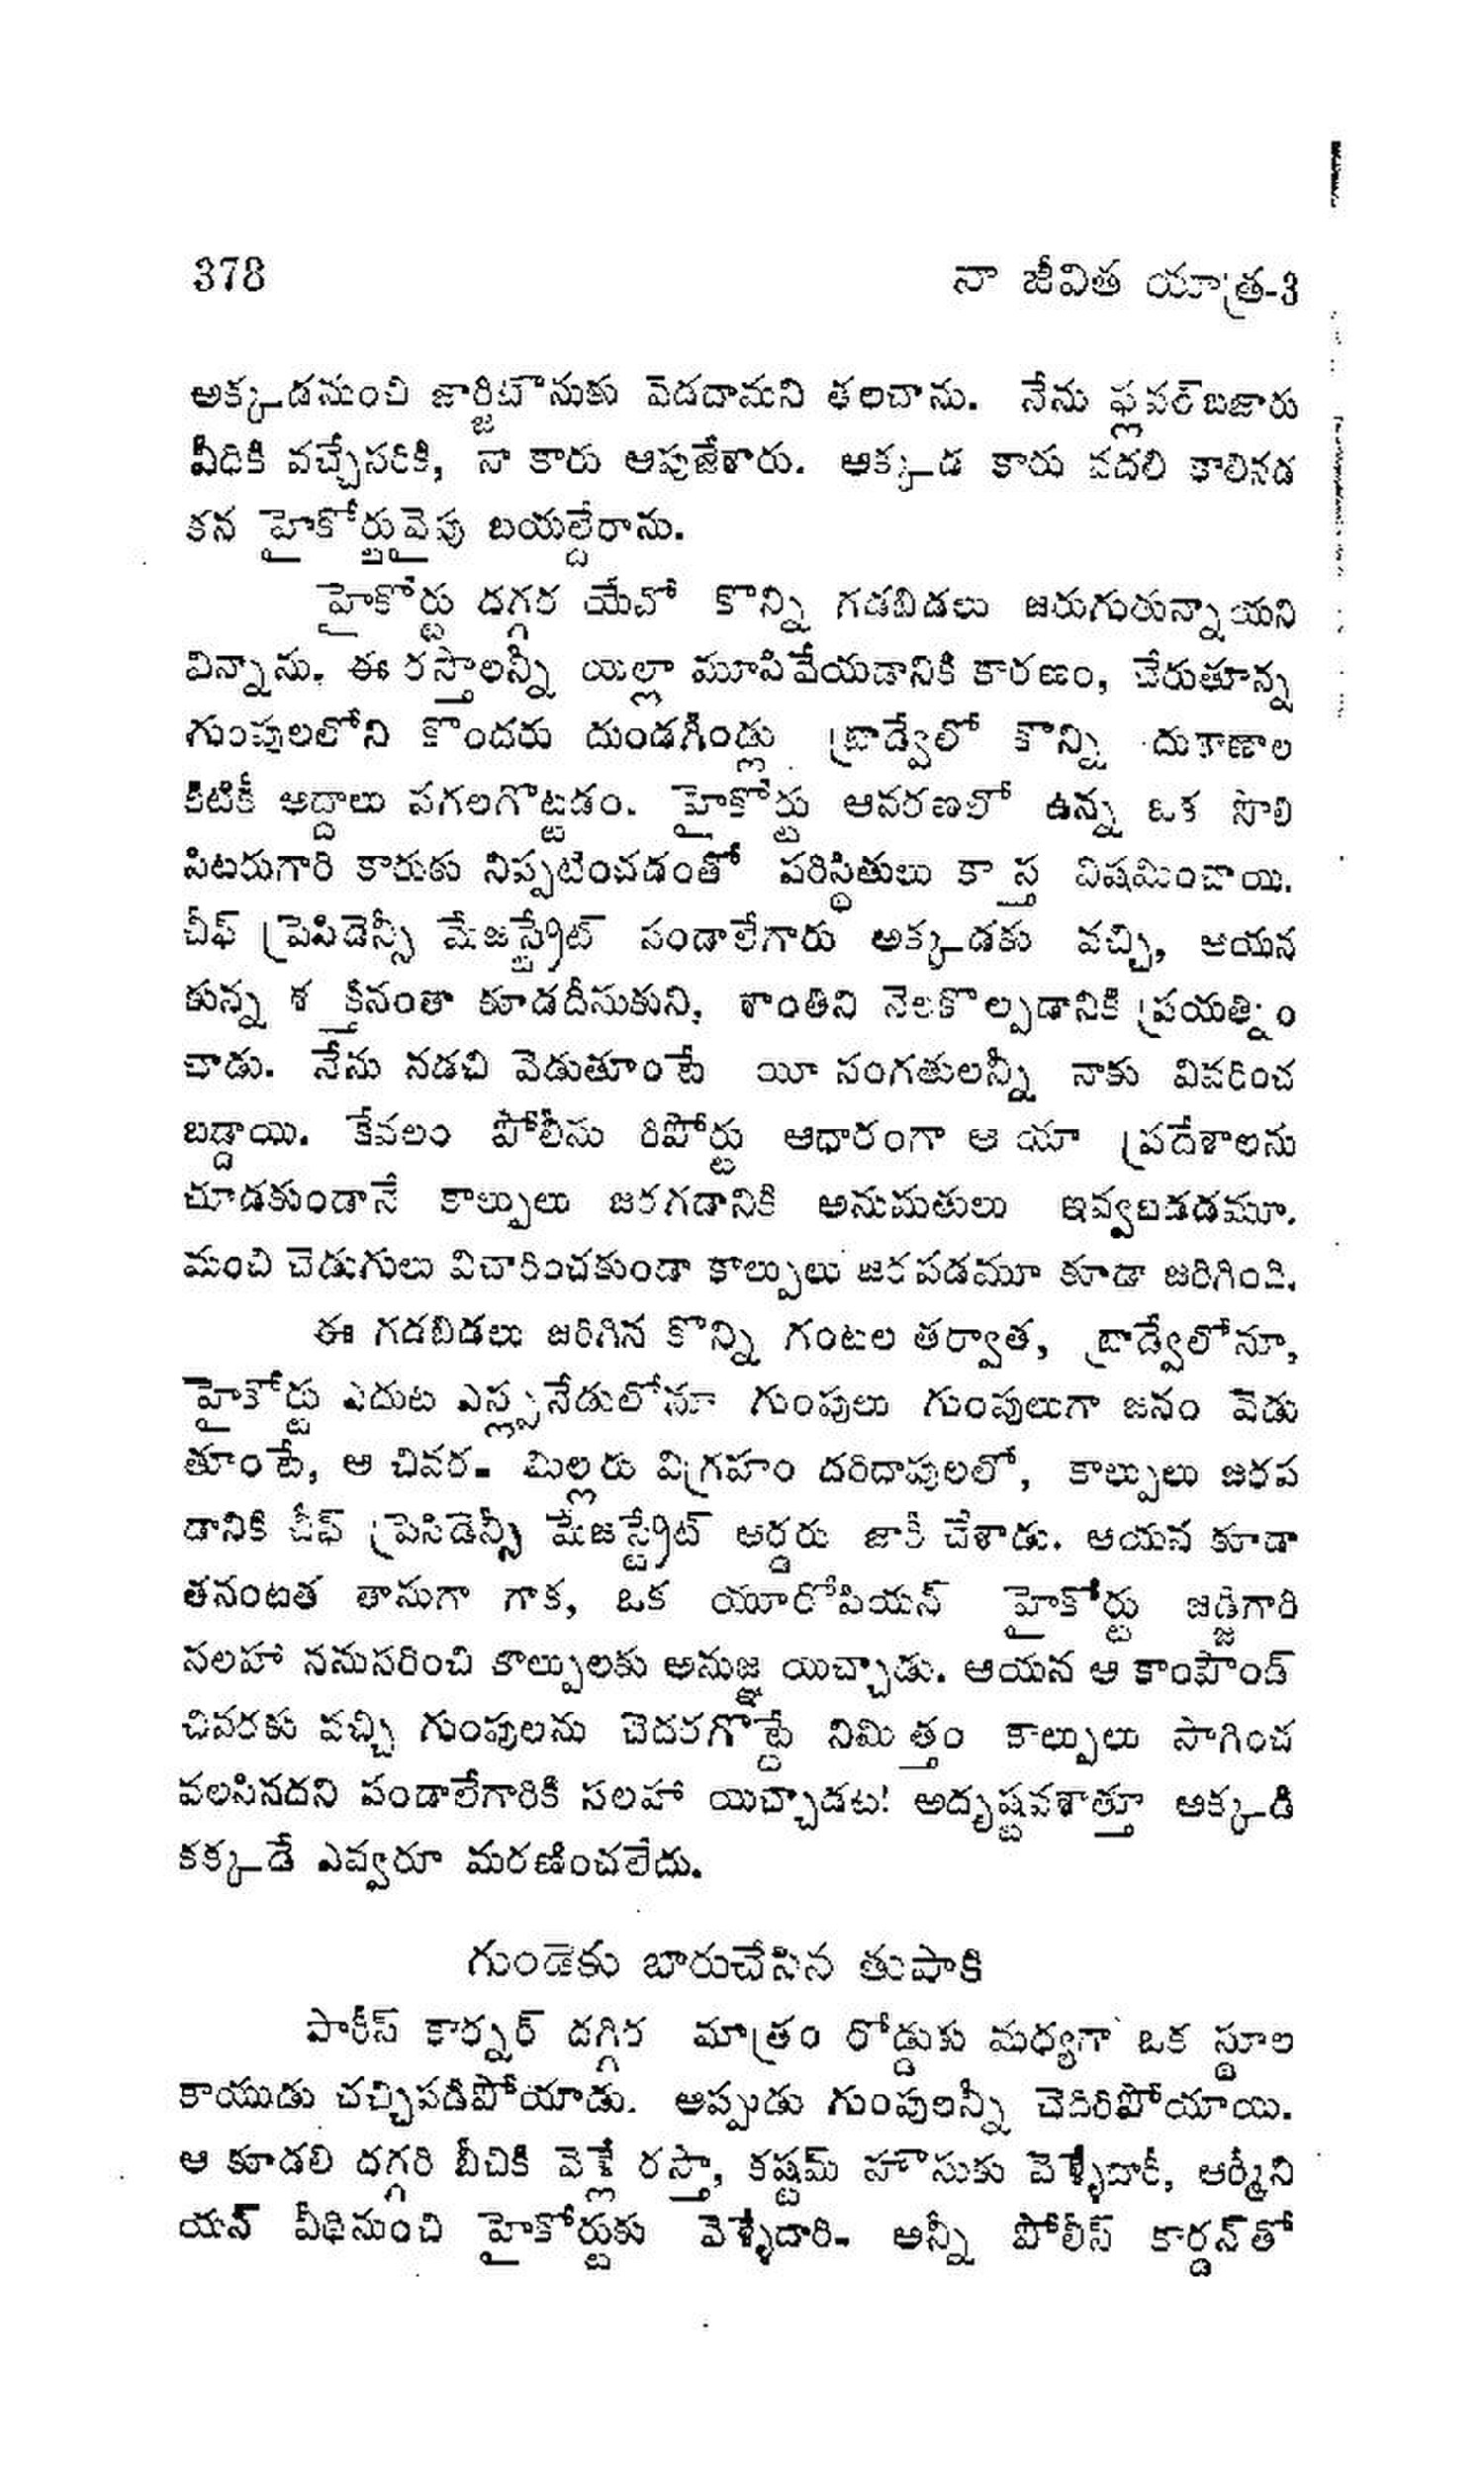అక్కడనుంచి జార్జిటౌనుకు వెడదామని తలచాను. నేను ఫ్లవర్‌బజారు వీదికి వచ్చేసరికి, నా కారు ఆపుజేశారు. అక్కడ కారు వదలి కాలినడకన హైకోర్టువైపు బయల్దేరాను.

హైకోర్టు దగ్గర యేవో కొన్ని గడబిడలు జరుగుతున్నాయని విన్నాను. ఈ రస్తాలన్ని యిల్లా మూసివేయడానికి కారణం, చేరుతూన్న గుంపులలోని కొందరు దుండగీండ్లు బ్రాడ్వేలో కొన్ని దుకాణాల కిటికీ అద్దాలు పగలగొట్టడం. హైకోర్టు ఆవరణలో ఉన్న ఒక సొలిసిటరుగారి కారుకు నిప్పంటించడంతో పరిస్థితులు కాస్త విషమించాయి. చీప్ ప్రెసిడెన్సీ మేజస్ట్రేట్ పండాలేగారు అక్కడకు వచ్చి, ఆయనకున్న శక్తినంతా కూడదీసుకుని, శాంతిని నెలకొల్ప డానికి ప్రయత్నించాడు. నేను నడచి వెడుతూంటె యీ సంగతులన్నీ నాకు వివరించ బడ్డాయి. కేవలం పోలీసు రిపోర్టు ఆధారంగా ఆయా ప్రదేశాలను చూడకుండానే కాల్పులు జరగడానికి అనుమతులు ఇవ్వబడడమూ, మంచి చెడుగులు విచారించకుండా కాల్పులు జరపడమూ కూడా జరిగింది.

ఈ గడబిడలు జరిగిన కొన్ని గంటల తర్వాత, బ్రాడ్వేలోనూ, హైకోర్టు ఎదుట ఎస్ల్పనేడులోనూ గుంపులు గుంపులుగా జనం వెడుతూంటే, అ చివర - మిల్లరు విగ్రహం దరిదాపులలో, కాల్పులు జరపడానికి చీప్ ప్రెసిడెన్సీ మేజస్ట్రేట్ ఆర్డరు జారీ చేశాడు. ఆయన కూడా తనంటత తానుగా గాక, ఒక యూరోపియన్ హైకోర్టు జడ్జీగారి సలహా ననుసరించి కాల్పులకు అనుజ్ఞ యిచ్చాడు. ఆయన ఆ కాంపౌండ్ చివరకు వచ్చి గుంపులను చెదరగొట్టే నిమిత్తం కాల్పులు సాగించ వలసినదని పండాలేగారికి సలహా యిచ్చాడట! అదృష్టవశాత్తూ అక్కడికక్కడే ఎవ్వరూ మరణించలేదు.

పారీస్ కార్నర్ దగ్గిర మాత్రం రోడ్డుకు మధ్యగా ఒక స్థూలకాయుడు చచ్చిపడిపోయాడు. అప్పుడు గుంపులన్నీ చెదిరిపోయాయి. ఆ కూడలి దగ్గరి బీచికి వెళ్లే రస్తా, కష్టమ్ హౌసుకు వెళ్ళేదారీ, ఆర్మీనియన్ వీధినుంచి హైకోర్టుకు వెళ్ళేదారి. అన్నీ పోలీస్ కార్డన్‌తో